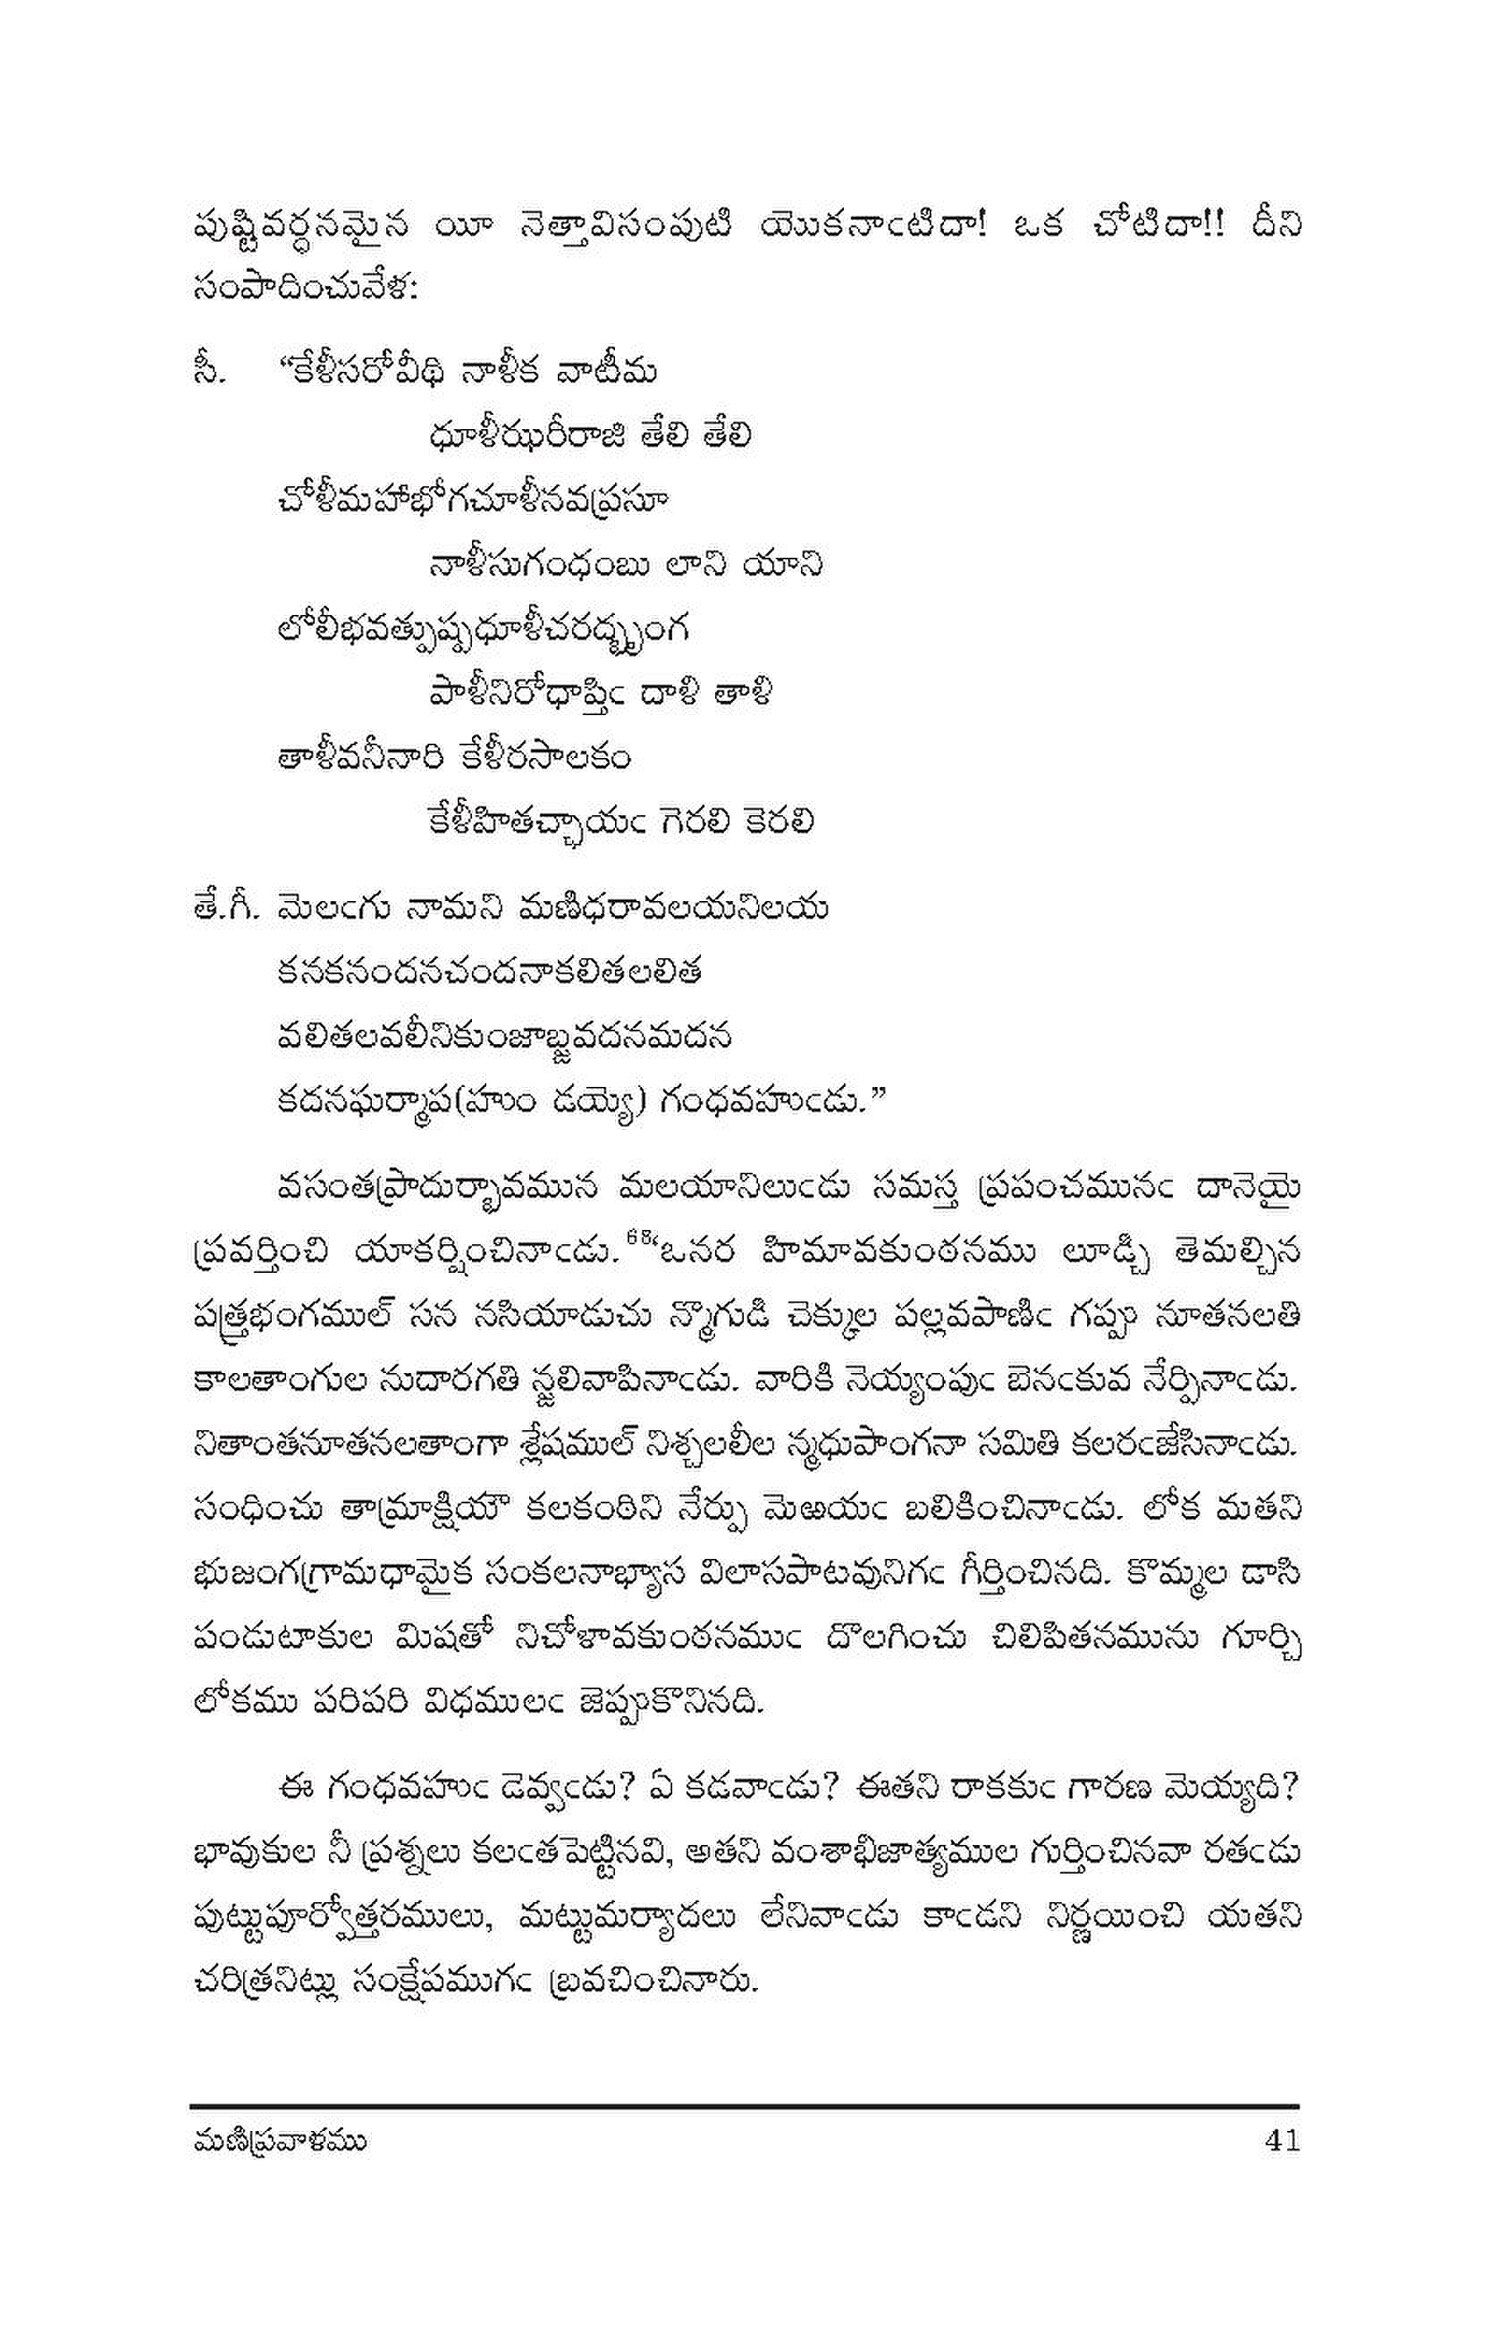పుష్టివర్ధనమైన యీ నెత్తావిసంపుటి యొకనాఁటిదా! ఒక చోటిదా!! దీని
సంపాదించువేళ:

సీ. "కేళీసరోవీథి నాళీక వా టీషు 
 ధూళీఝరీరాజి తేలి తేలి
 చోళీమహాభోగచూళీనవప్రసూ
 నాళీ సుగంధంబు లాని యాని
 లోలీభవత్పుష్పధూళీచరద్భృంగ
 పాళీనిరోధాప్తిఁ దాళి తాళి
 తాళీవనీనారి కేళీరసాలకం
 కేళీహితచ్ఛాయఁ గెరలి కెరలి 

తే.గీ. మెలఁగు నామని మణిధరావలయనిలయ
 కనకనందనచందనాకలితలలిత
 వలితలవలీనికుంజాబ్జవదనమదన
 కదనఘర్మాప(హుం డయ్యె) గంధవహుఁడు.”

వసంతప్రాదుర్భావమున మలయానిలుఁడు సమస్త ప్రపంచమునఁ దానెయై
ప్రవర్తించి యాకర్షించినాఁడు. ఒనర హిమావకుంఠనము లూడ్చి తెమల్చిన
పత్రభంగముల్ సన నసియాడుచు న్మొగుడి చెక్కుల పల్లవపాణిఁ గప్పు నూతనలతి
కాలతాంగుల నుదారగతి న్జలివాపినాఁడు. వారికి నెయ్యంపుఁ బెనఁకువ నేర్పినాఁడు.
నితాంతనూతనలతాంగా శ్లేషముల్ నిశ్చలలీల న్మధుపాంగనా సమితి కలరఁజేసినాఁడు.
సంధించు తామ్రాక్షియౌ కలకంఠిని నేర్పు మెఱయఁ బలికించినాఁడు. లోక మతని
భుజంగగ్రామధామైక సంకలనాభ్యాస విలాసపాటవునిగఁ గీర్తించినది. కొమ్మల డాసి
పండుటాకుల మిషతో నిచోళావకుంఠనముఁ దొలగించు చిలిపితనమును గూర్చి
లోకము పరిపరి విధములఁ జెప్పుకొనినది.

ఈ గంధవహుఁ డెవ్వఁడు? ఏ కడవాఁడు? ఈతని రాకకుఁ గారణ మెయ్యది?
భావుకుల నీ ప్రశ్నలు కలఁతపెట్టినవి, అతని వంశాభిజాత్యములు గుర్తించినవా రతఁడు
పుట్టుపూర్వోత్తరములు, మట్టుమర్యాదలు లేనివాఁడు కాఁడని నిర్ణయించి యతని
చరిత్రనిట్లు సంక్షేపముగఁ బ్రవచించినారు.